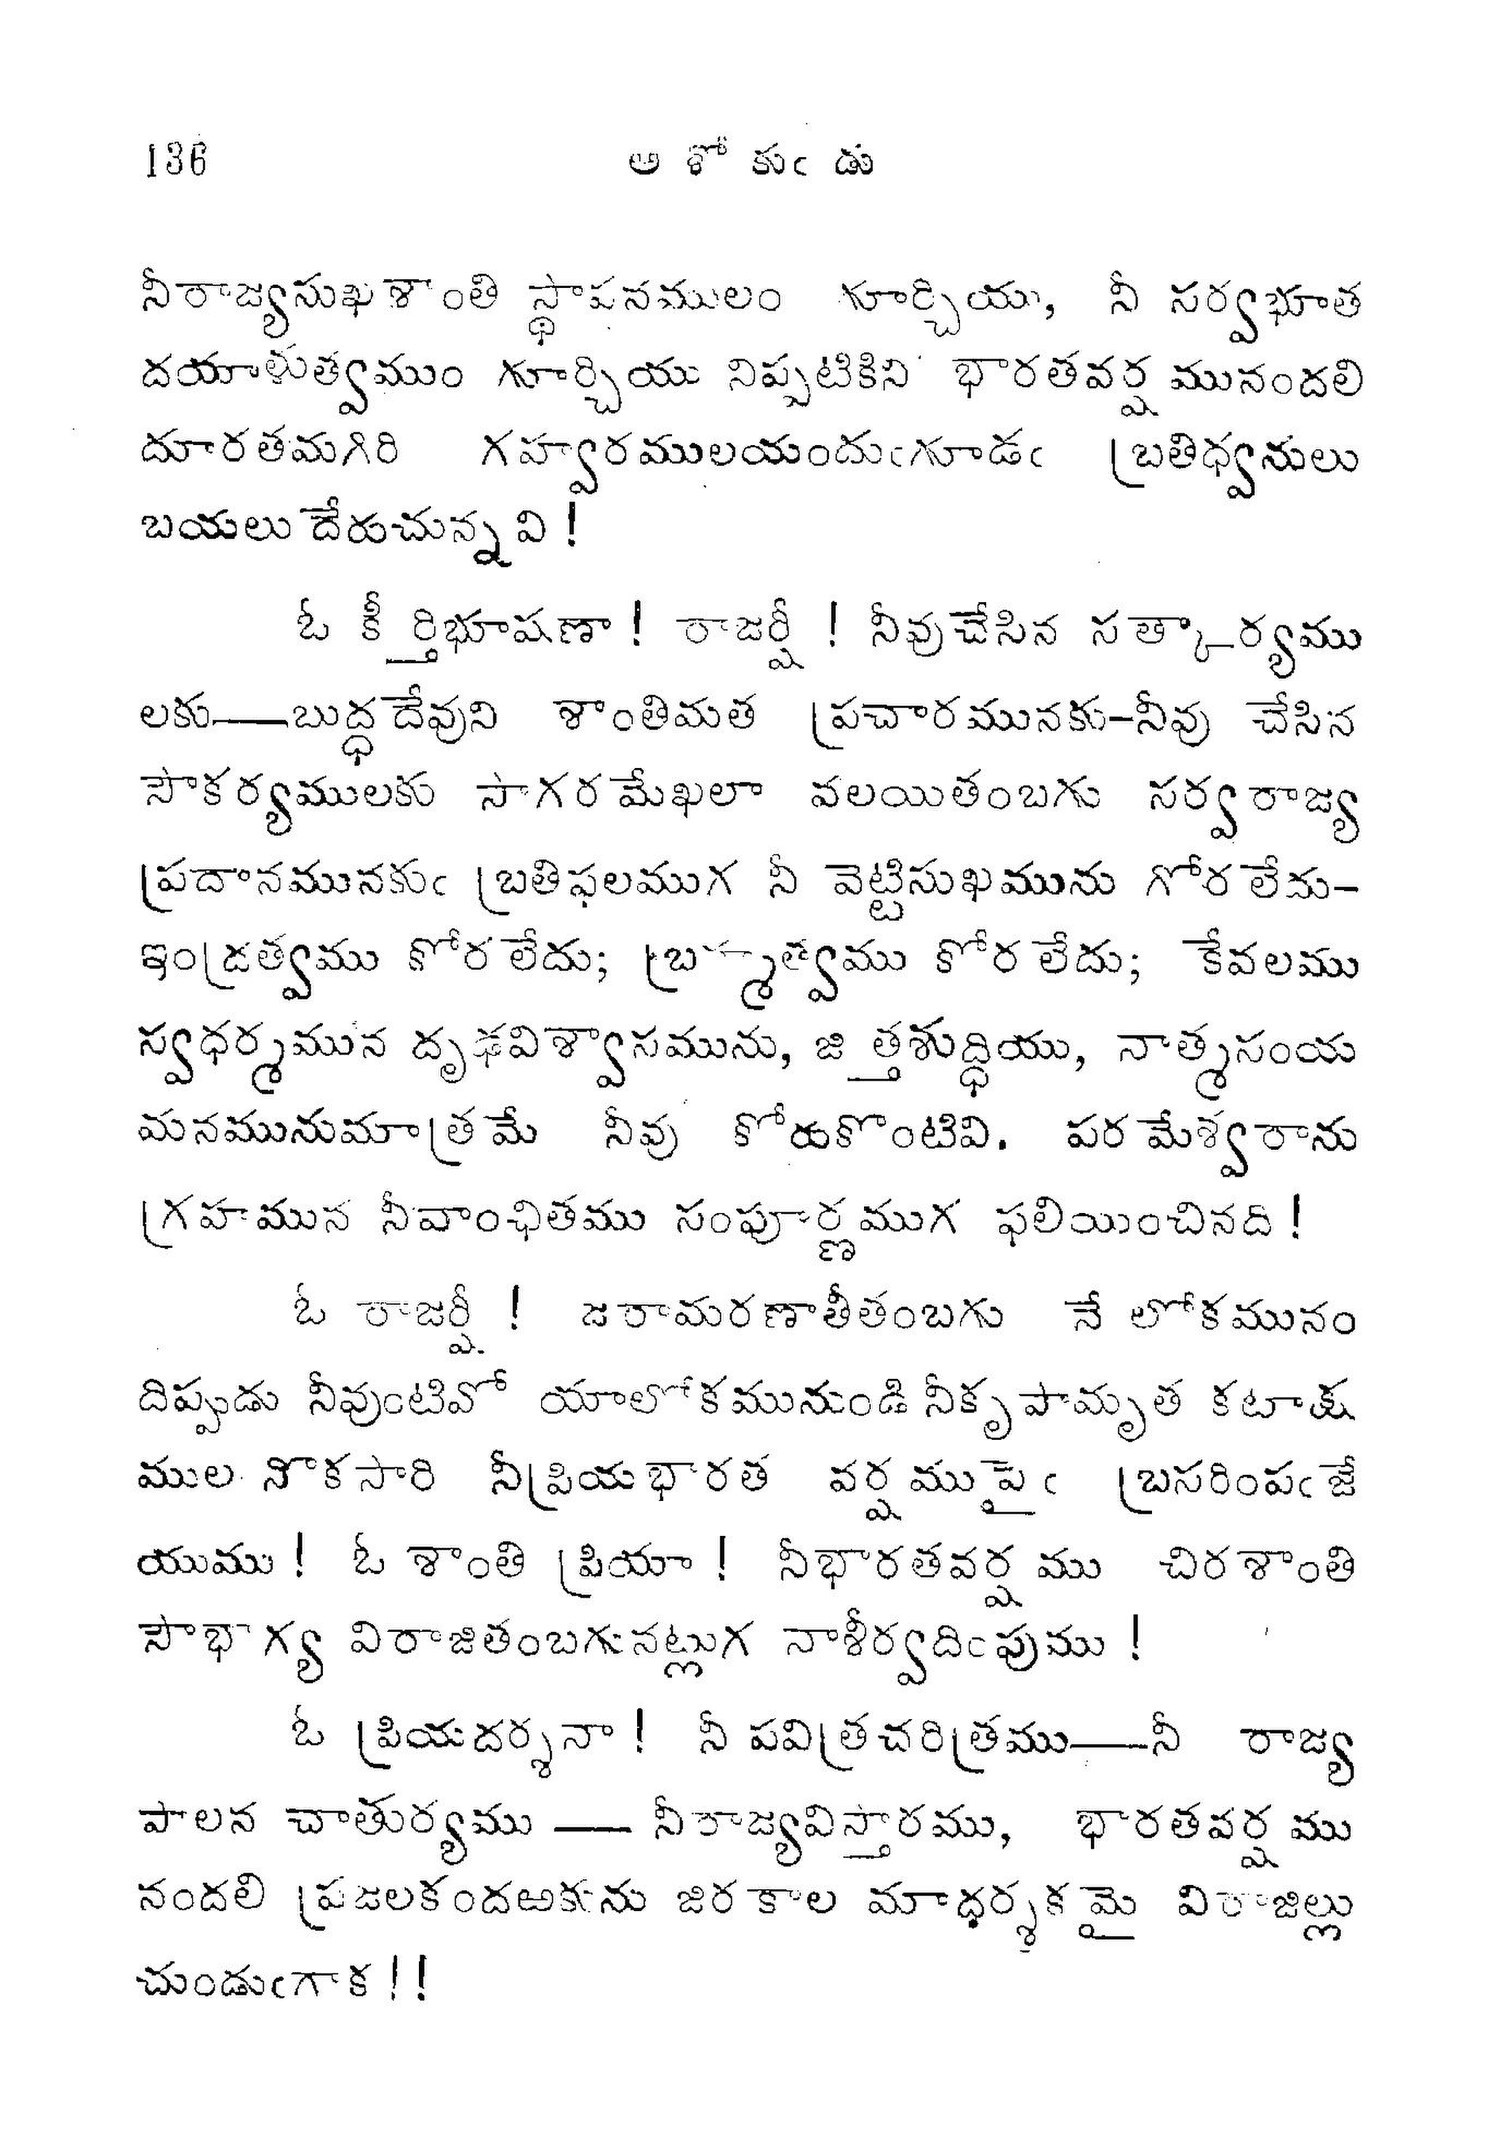నీ రాజ్యసుఖ శాంతి స్థాపనములం గూర్చియ, నీ సర్వభూత దయాళుత్వముం గూర్చియు నిప్పటికిని' భారతవర్ష మునందలి దూర తమగిరి గహ్వరములయందుఁ గూడఁ బ్రతిధ్వనులు బయలు దేరుచున్నవి !

ఓ కీర్తిభూషణా ! రాజర్షీ ! నీవు చేసిన సత్కార్యము లకు ——బుద్ధ దేవుని శాంతిమత ప్రచారమునకు— నీవు చేసిన సౌకర్యములకు సాగర మేఖలా వలయితంబగు సర్వరాజ్య
ప్రదానమునకుఁ బ్రతిఫలముగ నీ వెట్టిసుఖమును గోర లేదు- ఇంద్రత్వము కోర లేదు; బ్రహ్మత్వము కోర లేదు; కేవలము స్వధర్మమున దృఢవిశ్వాసమును, జిత్తశుద్ధియు, నాత్మసంయమనమును మాత్రమే నీవు కోరుకొంటివి. పరమేశ్వరాను గ్రహమున నీ వాంఛితము సంపూర్ణముగ ఫలియించినది !

ఓ రాజర్షీ ! జరామరణాతీతంబగు నే లోకమునం దిప్పుడు నీవుంటివో యాలోకమునుండి నీకృపామృత కటాక్షముల నొకసారి నీప్రియభారత వర్షము పైఁ బ్రసరింపఁ జేయుము ! ఓ శాంతి ప్రియా ! నీ భారతవర్షము చిరశాంతి సౌభాగ్య విరాజితంబగు నట్లుగ నాశీర్వదింపుము !

ఓ ప్రియదర్శనా ! నీ పవిత్ర చరిత్రము—— నీ రాజ్యపాలన చాతుర్యము — నీ రాజ్య విస్తారము, భారతవర్షము నందలి ప్రజలకందఱకును జిరకాల మాధర్శకమై విరాజిల్లు చుండుఁగాక !!